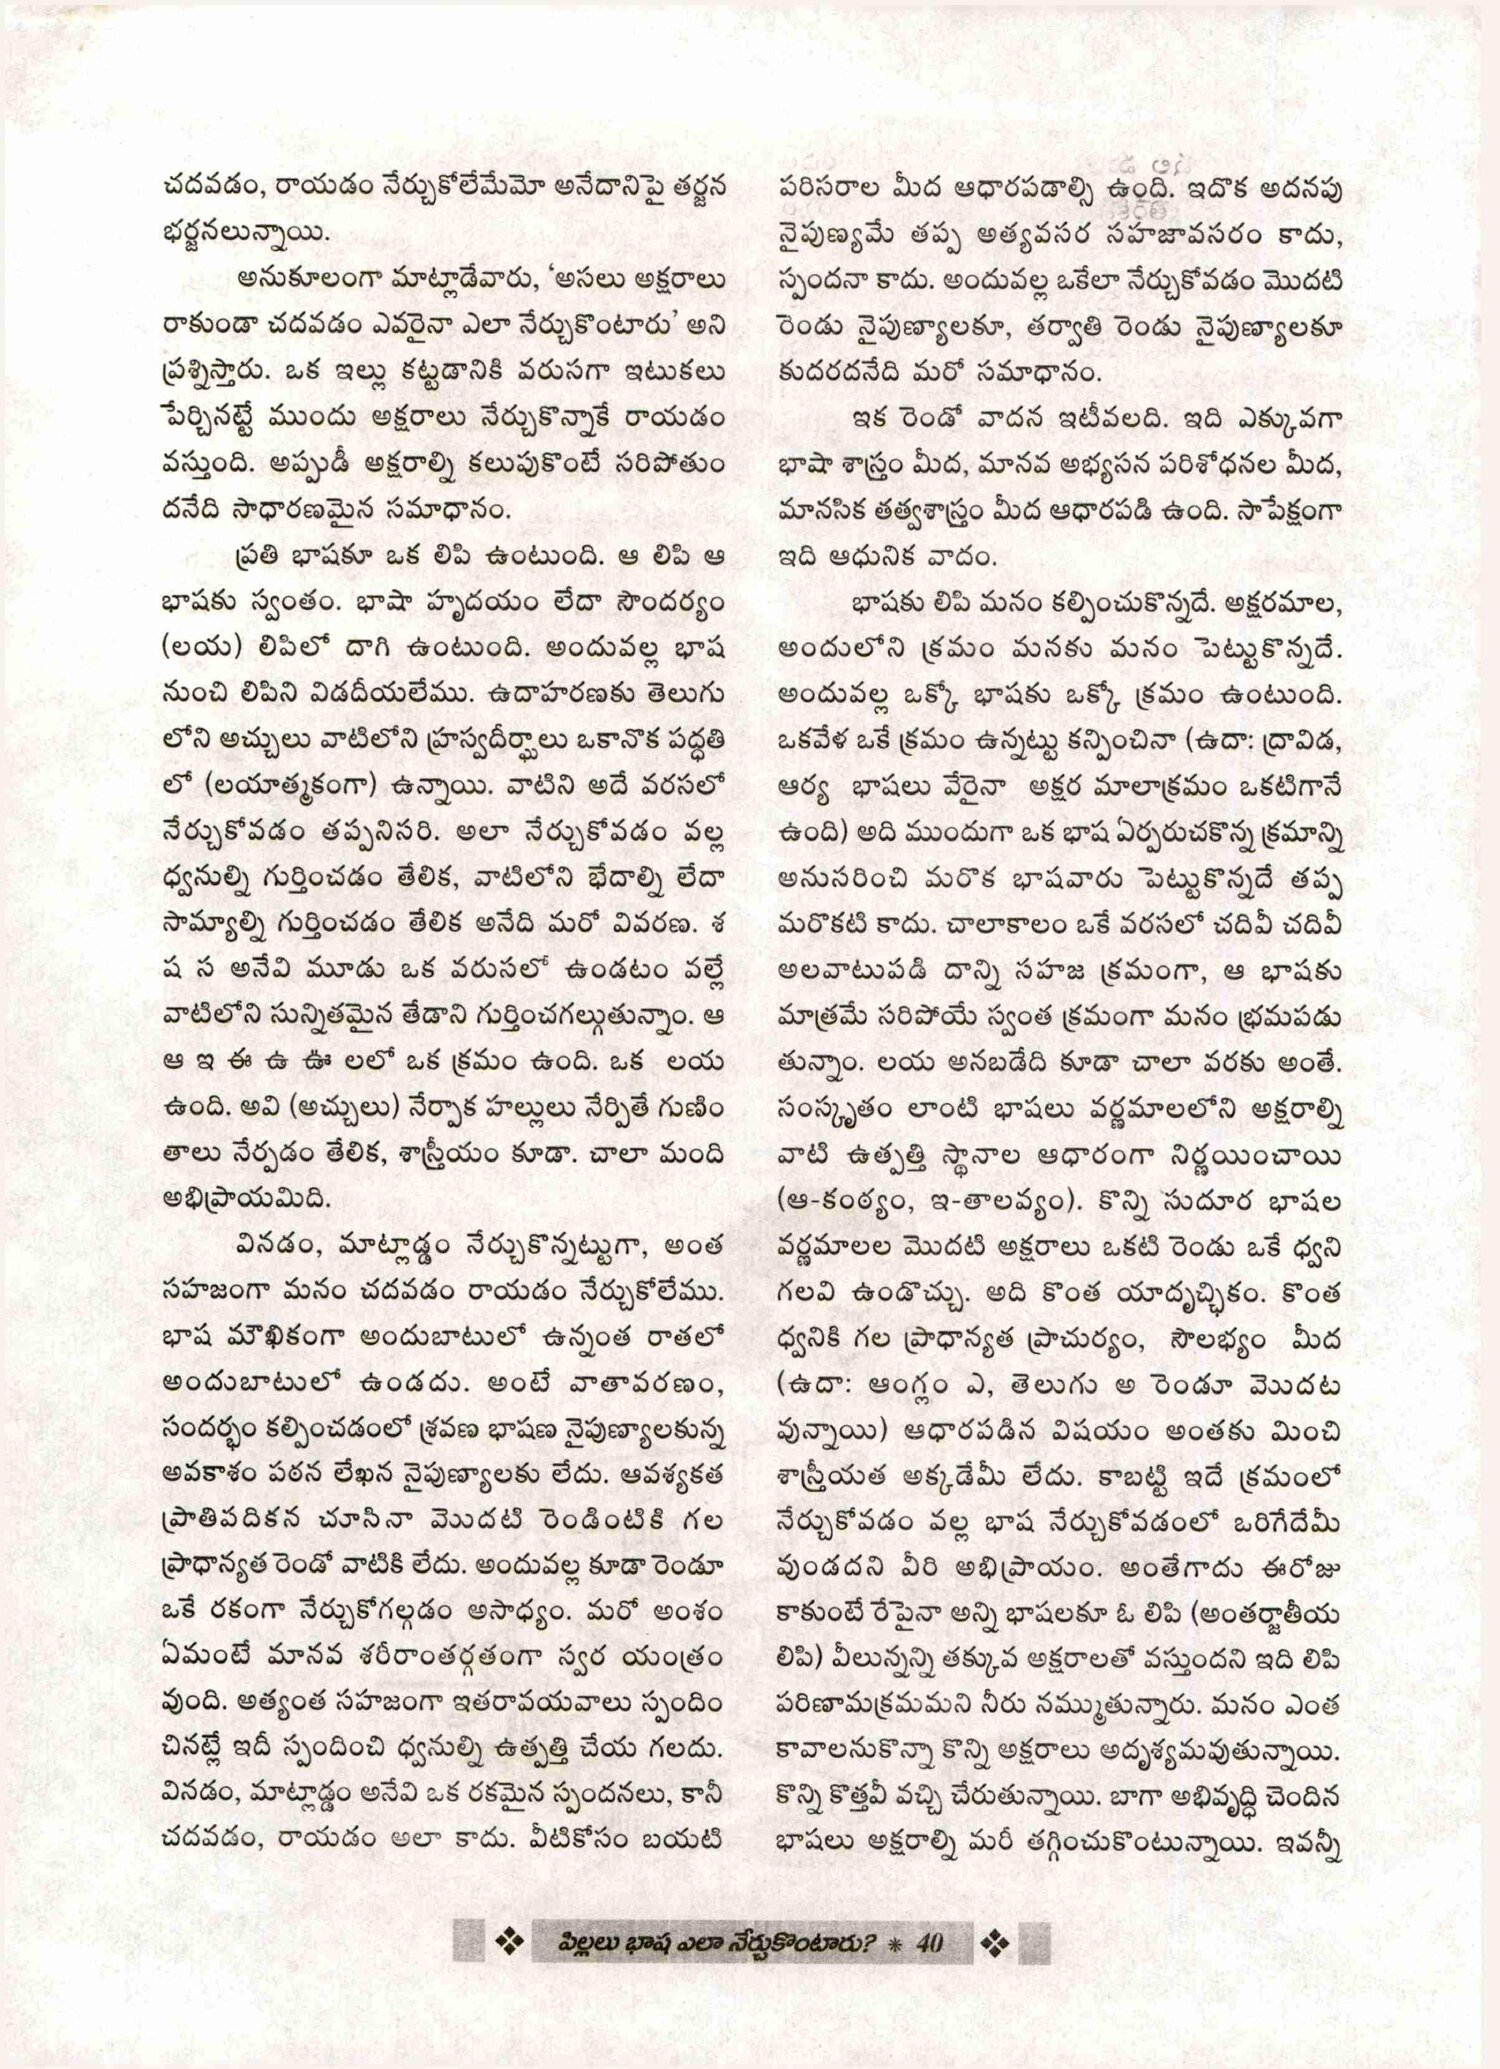చదవడం, రాయడం నేర్చుకోలేమేమో అనేదానిపై తర్జన భర్జనలున్నాయి.

అనుకూలంగా మాట్లాడేవారు, 'అసలు అక్షరాలు రాకుండా చదవడం ఎవరైనా ఎలా నేర్చుకొంటారు' అని ప్రశ్నిస్తారు. ఒక ఇల్లు కట్టడానికి వరుసగా ఇటుకలు పేర్చినట్టే ముందు అక్షరాలు నేర్చుకొన్నాకే రాయడం వస్తుంది. అప్పుడీ అక్షరాల్ని కలుపుకొంటే సరిపోతుం దనేది సాధారణమైన సమాధానం.

ప్రతి భాషకూ ఒక లిపి ఉంటుంది. ఆ లిపి ఆ భాషకు స్వంతం. భాషా హృదయం లేదా సౌందర్యం (లయ) లిపిలో దాగి ఉంటుంది. అందువల్ల భాష నుంచి లిపిని విడదీయలేము. ఉదాహరణకు తెలుగులోని అచ్చులు వాటిలోని హ్రస్వదీర్ఘాలు ఒకానొక పద్ధతి లో (లయాత్మకంగా) ఉన్నాయి. వాటిని అదే వరసలో నేర్చుకోవడం తప్పనిసరి. అలా నేర్చుకోవడం వల్ల ధ్వనుల్ని గుర్తించడం తేలిక, వాటిలోని భేదాల్ని లేదా సామ్యాల్ని గుర్తించడం తేలిక అనేది మరో వివరణ. శ ష స అనేవి మూడు ఒక వరుసలో ఉండటం వల్లే వాటిలోని సున్నితమైన తేడాని గుర్తించగల్గుతున్నాం. ఆ ఆ ఇ ఈ ఉ ఊ లలో ఒక క్రమం ఉంది. ఒక లయ ఉంది. అవి (అచ్చులు) నేర్పాక హల్లులు నేర్పితే గుణింతాలు నేర్పడం తేలిక, శాస్త్రీయం కూడా. చాలా మంది అభిప్రాయమిది.

వినడం, మాట్లాడ్డం నేర్చుకొన్నట్టుగా, అంత సహజంగా మనం చదవడం రాయడం నేర్చుకోలేము. భాష మౌఖికంగా అందుబాటులో ఉన్నంత రాతలో అందుబాటులో ఉండదు. అంటే వాతావరణం, సందర్భం కల్పించడంలో శ్రవణ భాషణ నైపుణ్యాలకున్న అవకాశం పఠన లేఖన నైపుణ్యాలకు లేదు. ఆవశ్యకత ప్రాతిపదికన చూసినా మొదటి రెండింటికి గల ప్రాధాన్యత రెండో వాటికి లేదు. అందువల్ల కూడా రెండూ ఒకే రకంగా నేర్చుకోగల్గడం అసాధ్యం. మరో అంశం ఏమంటే మానవ శరీరాంతర్గతంగా స్వర యంత్రం వుంది. అత్యంత సహజంగా ఇతరావయవాలు స్పందించినట్లే ఇదీ స్పందించి ధ్వనుల్ని ఉత్పత్తి చేయ గలదు. వినడం, మాట్లాడ్డం అనేవి ఒక రకమైన స్పందనలు, కానీ చదవడం, రాయడం అలా కాదు. వీటికోసం బయటి పరిసరాల మీద ఆధారపడాల్సి ఉంది. ఇదొక అదనపు
నైపుణ్యమే తప్ప అత్యవసర సహజావసరం కాదు, స్పందనా కాదు. అందువల్ల ఒకేలా నేర్చుకోవడం మొదటి రెండు నైపుణ్యాలకూ, తర్వాతి రెండు నైపుణ్యాలకూ కుదరదనేది మరో సమాధానం.

ఇక రెండో వాదన ఇటీవలది. ఇది ఎక్కువగా భాషా శాస్త్రం మీద, మానవ అభ్యసన పరిశోధనల మీద, మానసిక తత్వశాస్త్రం మీద ఆధారపడి ఉంది. సాపేక్షంగా ఇది ఆధునిక వాదం.

భాషకు లిపి మనం కల్పించుకొన్నదే. అక్షరమాల, అందులోని క్రమం మనకు మనం పెట్టుకొన్నదే. అందువల్ల ఒక్కో భాషకు ఒక్కో క్రమం ఉంటుంది. ఒకవేళ ఒకే క్రమం ఉన్నట్టు కన్పించినా (ఉదా: ద్రావిడ, ఆర్య భాషలు వేరైనా అక్షర మాలాక్రమం ఒకటిగానే ఉంది) అది ముందుగా ఒక భాష ఏర్పరుచుకొన్న క్రమాన్ని అనుసరించి మరొక భాషవారు పెట్టుకొన్నదే తప్ప మరొకటి కాదు. చాలాకాలం ఒకే వరసలో చదివీ చదివీ అలవాటుపడి దాన్ని సహజ క్రమంగా, ఆ భాషకు మాత్రమే సరిపోయే స్వంత క్రమంగా మనం భ్రమపడుతున్నాం. లయ అనబడేది కూడా చాలా వరకు అంతే.
సంస్కృతం లాంటి భాషలు వర్ణమాలలోని అక్షరాల్ని వాటి ఉత్పత్తి స్థానాల ఆధారంగా నిర్ణయించాయి (ఆ-కంఠ్యం, ఇ-తాలవ్యం). కొన్ని సుదూర భాషల వర్ణమాలల మొదటి అక్షరాలు ఒకటి రెండు ఒకే ధ్వని గలవి ఉండొచ్చు. అది కొంత యాదృచ్ఛికం. కొంత ధ్వనికి గల ప్రాధాన్యత ప్రాచుర్యం, సౌలభ్యం మీద (ఉదా: ఆంగ్లం ఎ, తెలుగు అ రెండూ మొదట వున్నాయి) ఆధారపడిన విషయం అంతకు మించి శాస్త్రీయత అక్కడేమీ లేదు. కాబట్టి ఇదే క్రమంలో
నేర్చుకోవడం వల్ల భాష నేర్చుకోవడంలో ఒరిగేదేమీ వుండదని వీరి అభిప్రాయం. అంతేగాదు ఈరోజు కాకుంటే రేపైనా అన్ని భాషలకూ ఓ లిపి (అంతర్జాతీయ లిపి) వీలున్నన్ని తక్కువ అక్షరాలతో వస్తుందని ఇది లిపి పరిణామక్రమమని వీరు నమ్ముతున్నారు. మనం ఎంత కావాలనుకొన్నా కొన్ని అక్షరాలు అదృశ్యమవుతున్నాయి. కొన్ని కొత్తవీ వచ్చి చేరుతున్నాయి. బాగా అభివృద్ధి చెందిన భాషలు అక్షరాల్ని మరీ తగ్గించుకొంటున్నాయి. ఇవన్నీ